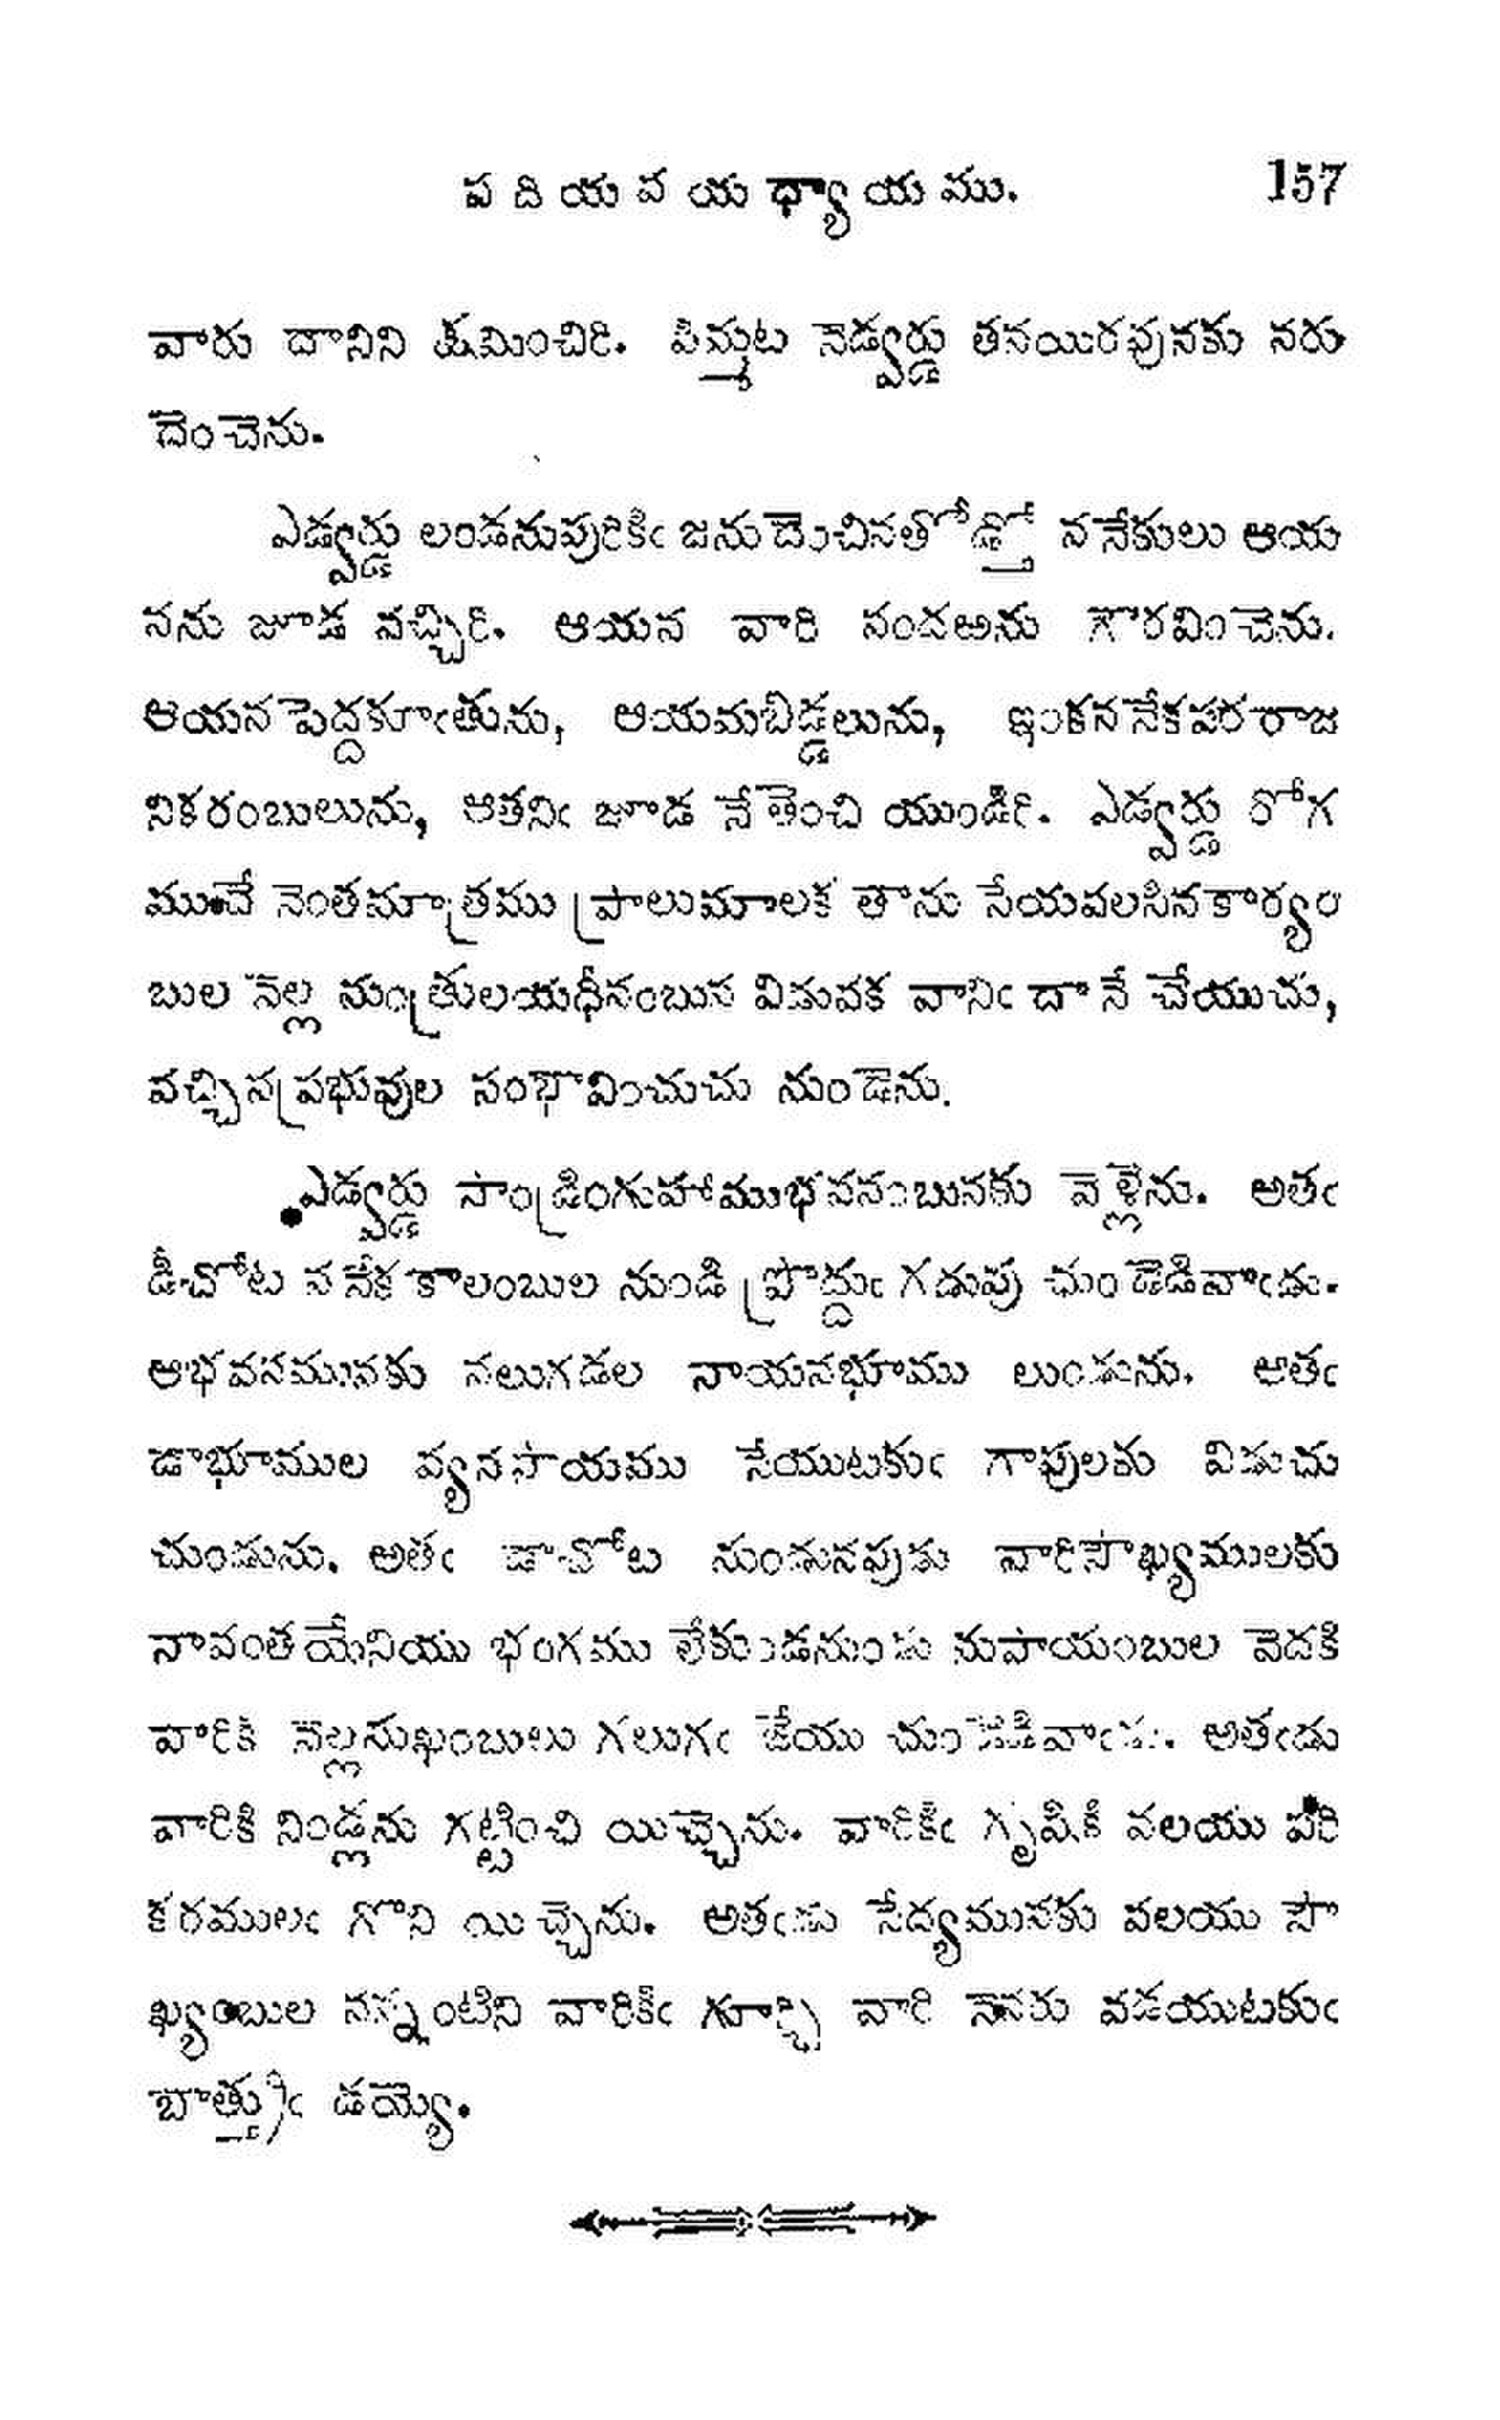వారు దానిని క్షమించిరి. పిమ్మట నెడ్వర్డు తనయిరవునకు నరు దెంచెను.

ఎడ్వర్డు లండనుపురికిఁ జనుదెంచినతోడ్తోన నేకులు ఆయ నను జూడ వచ్చిరి. ఆయన వారి నందఱను గౌరవించెను. ఆయన పెద్దకూతును, ఆయమబిడ్డలును, ఇంకన నేక పర రాజు నికరంబులును, అతనిఁ జూడ నేతెంచి యుండిరి. ఎడ్వర్డు రోగ ముచే నెంత మాత్రము ప్రాలుమాలక తాను సేయవలసిన కార్యం బుల నెల్ల మంత్రుల యధీనంబున విడువక వానిఁ దానే చేయుచు, వచ్చిన ప్రభువుల సంభావించుచు నుండెను.

ఎడ్వర్డు సాండ్రింగుహాము భవనంబునకు వెళ్లెను. అతఁ డీచోట ననేక కాలంబుల నుండి ప్రొద్దుఁ గడుపు చుం డెడివాడు. అభవనమునకు నలుగడల నాయనభూము లుండును. ఆతఁ డా భూముల వ్యససాయము సేయుటకుఁ గాపులకు విడుచు చుండును. అతడాచోట నుండునపుడు వారి సౌఖ్యములకు నావంతయేనియు భంగము లేకుండ నుపాయంబుల వెదకి వారికి నెల్లసుఖంబు గలుగఁ జేయు చుండెడివాడు.. అతఁడు వారికి నిండ్లను గట్టించి యిచ్చెను. వారికిఁ గృషికి వలయు పరి కరము గొని యిచ్చెను. అతను సేద్యమునకు పలయు సౌ ఖ్యంబుల నన్నంటిని వారికిఁ గూర్చి వారి నెనరు వడయుటకుఁ బాత్రుడయ్యె.